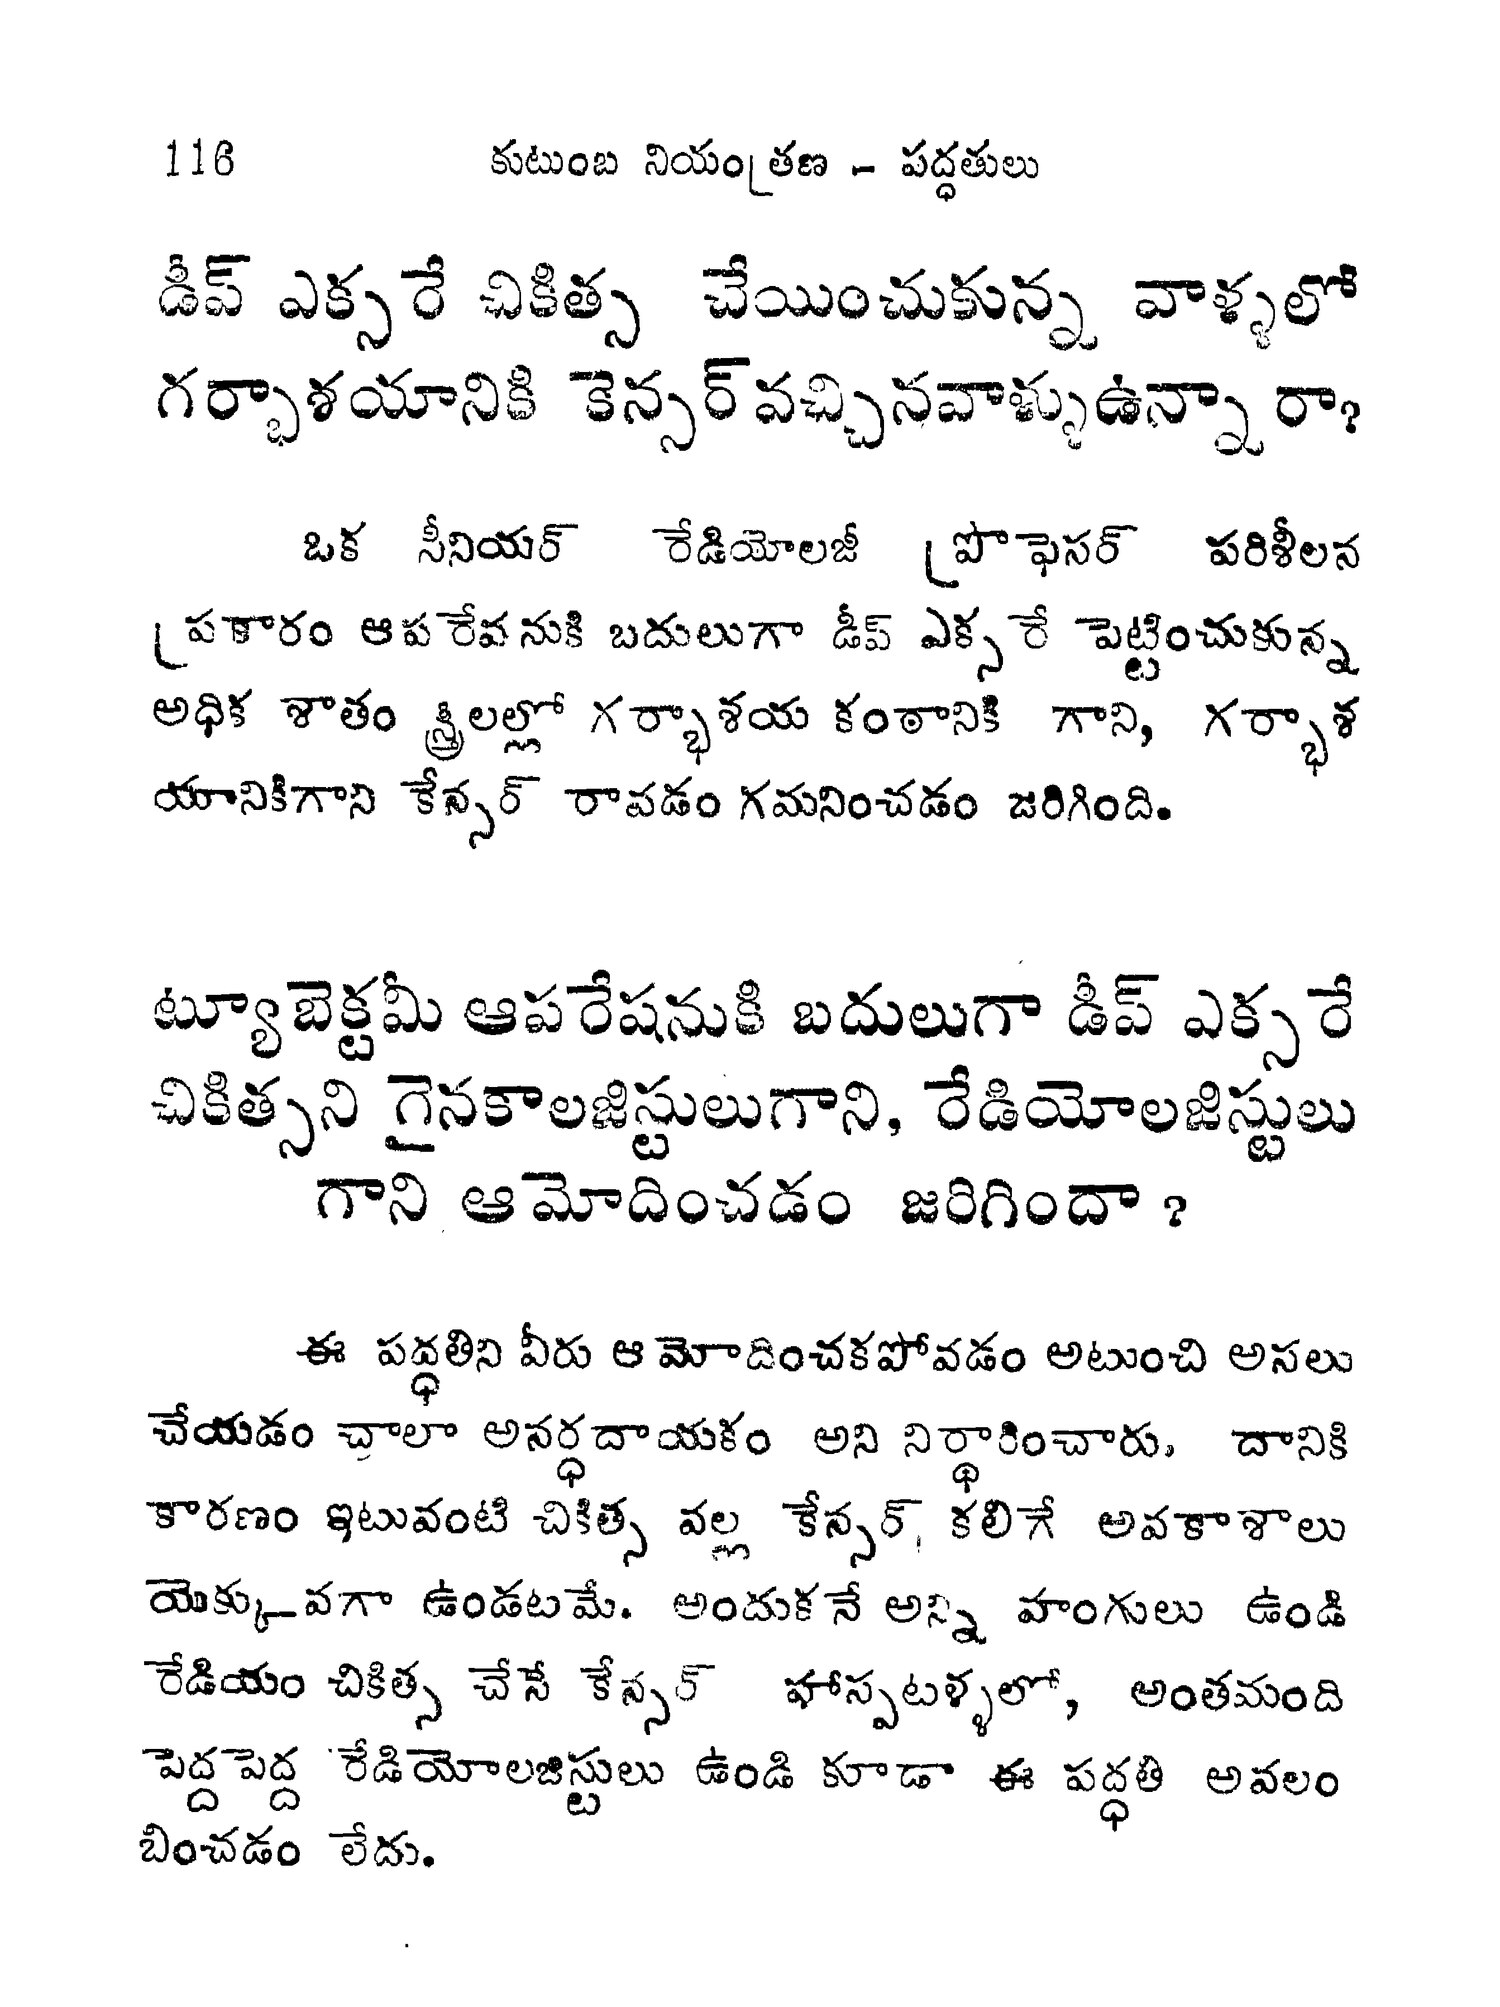ఒక సీనియర్ రేడియాలజీ ఫ్రొఫెసర్ పరిశీలన ప్రకారం ఆపరేషనుకి బదులుగా డీప్ ఎక్సరే పెట్టించుకున్న అధిక శాతం స్త్రీలల్లో గర్భాశయ కంఠానికి గాని, గర్భాశయానికిగాని కేన్సర్ రావడం గమనించడం జరిగింది.

ఈ పద్ధతిని వీరు ఆమోదించకపోవడం అటుంచి అసలు చేయడం చాలా అనర్ధదాయకం అని నిర్ధారించారు. దానికి కారణం ఇటువంటి చికిత్స వల్ల కేన్సర్, కలిగే అవకాశాలు యెక్కువగా ఉండటమే. అందుకనే అన్ని హంగులు ఉండి రేడియం చికిత్స చేసే కేన్సర్ హాస్పటళ్ళలో, అంతమంది పెద్దపెద్ద రేడియాలజిస్టులు ఉండి కూడా ఈ పద్ధతి అవలంబించదం లేదు.